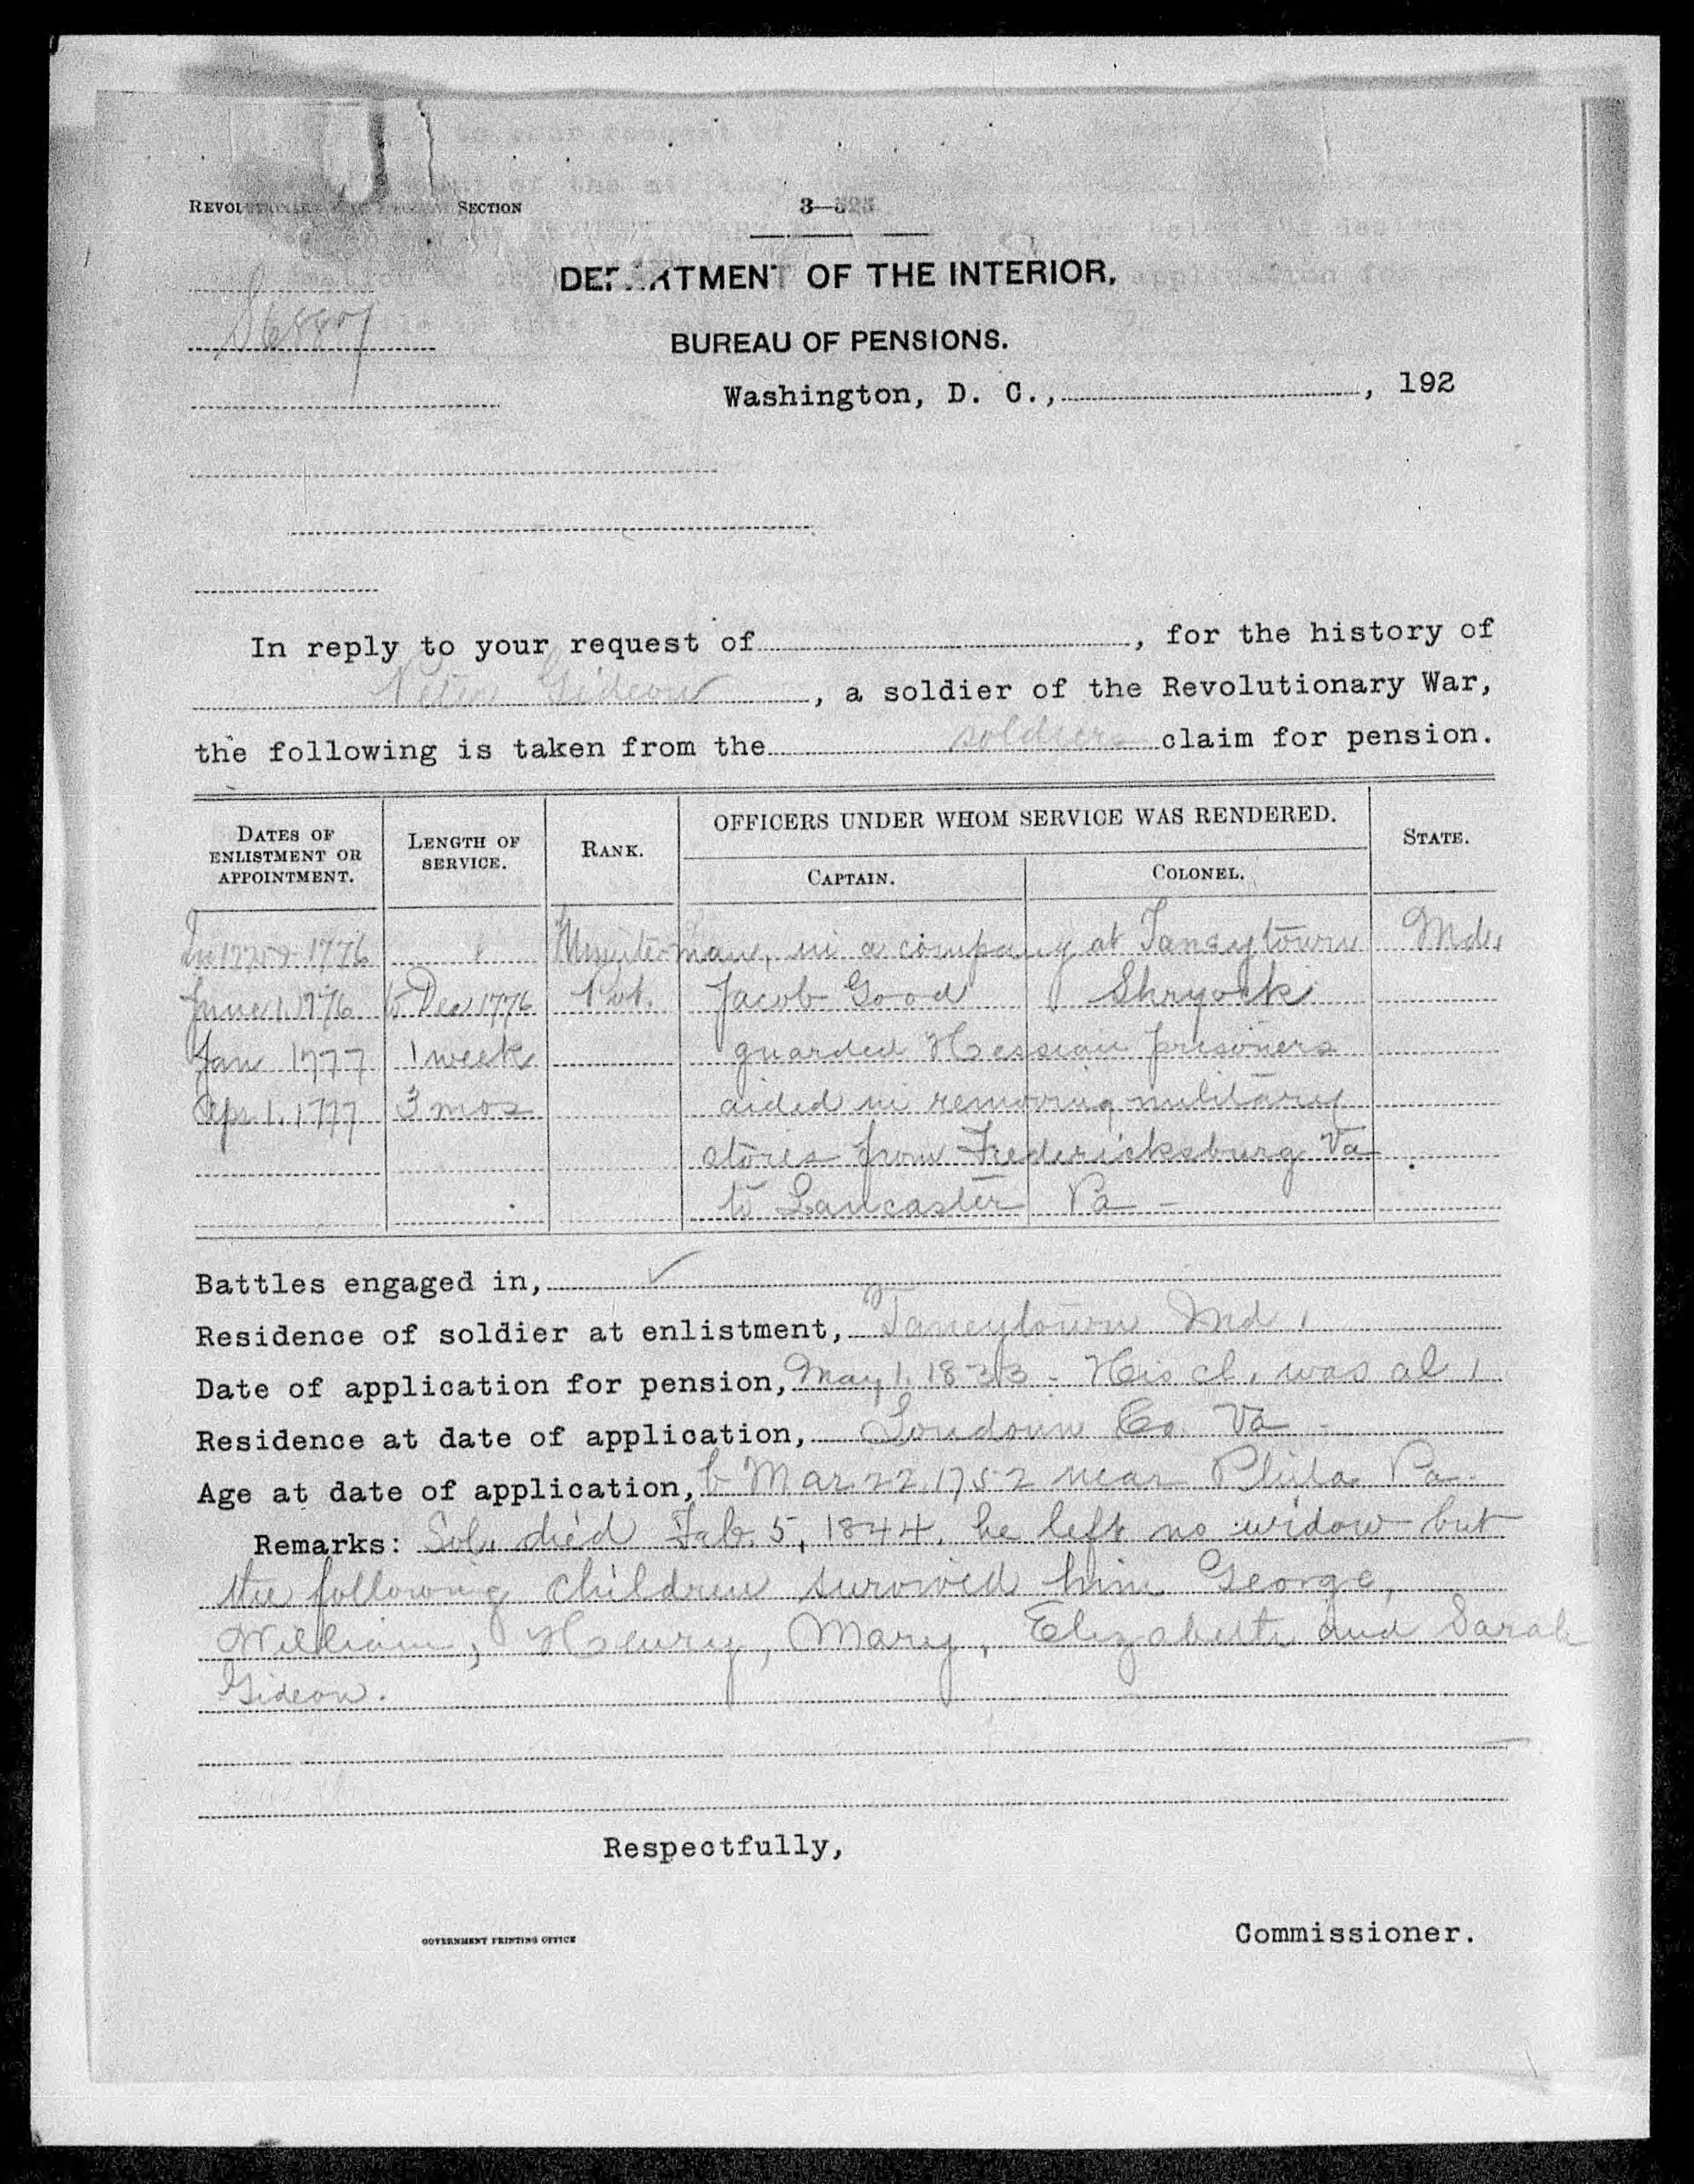[illegible]

DEPARTMENT OF THE INTERIOR.
BUREAU OF PENSIONS.
Washington, D. C.,

In reply to your request of--- for the history of
Peter Gideon, a soldier of the Revolutionary War, the following is taken from the soldiers claim for pension.
---

DATES OF
ENLISTMENT OR
APPOINTMENT. |  LENGTH OF
SERVICE. | RANK. | OFFICERS UNDER WHOM SERVICE WAS RENDERED.
CAPTAIN. | COLONEL. | STATE
In 1775 & 1776 | | Minuteman in a company at Taneytown |  Md
June 1776 | to Dec 1776 | Pvt | Jacob Good | Shryock 
Jan 1777 | 1 week | | guarded Hessian Prisoners
Apr 1777 | 3 mos | | aided in removeing miltarystores from Fredericksburg VA to Lancaster Pa



Battles engaged in, __
Residence of soldier at enlistment, Taneytown Md
Date of application for pension, May 1833 [illegible]
Residence at date of application, Loudon Co Va
Age at date of application, B. Mar 1752 near Phila Pa
Remarks: Sol died Feb. 5, 1844, he left no widow but the following children survived him George, William, Henry, Mary, Elizabeth and Sarah Gideon


Respectfully,
Commissioner.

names: Sarah Gideon, Jacob Good, Mary Gideon, Henry Gideon, William Gideon, Peter Gideon, Shryock, George Gideon, Elizabeth Gideon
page: 49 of 64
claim: survivor's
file: S. 6887, Peter Gideon, Md.